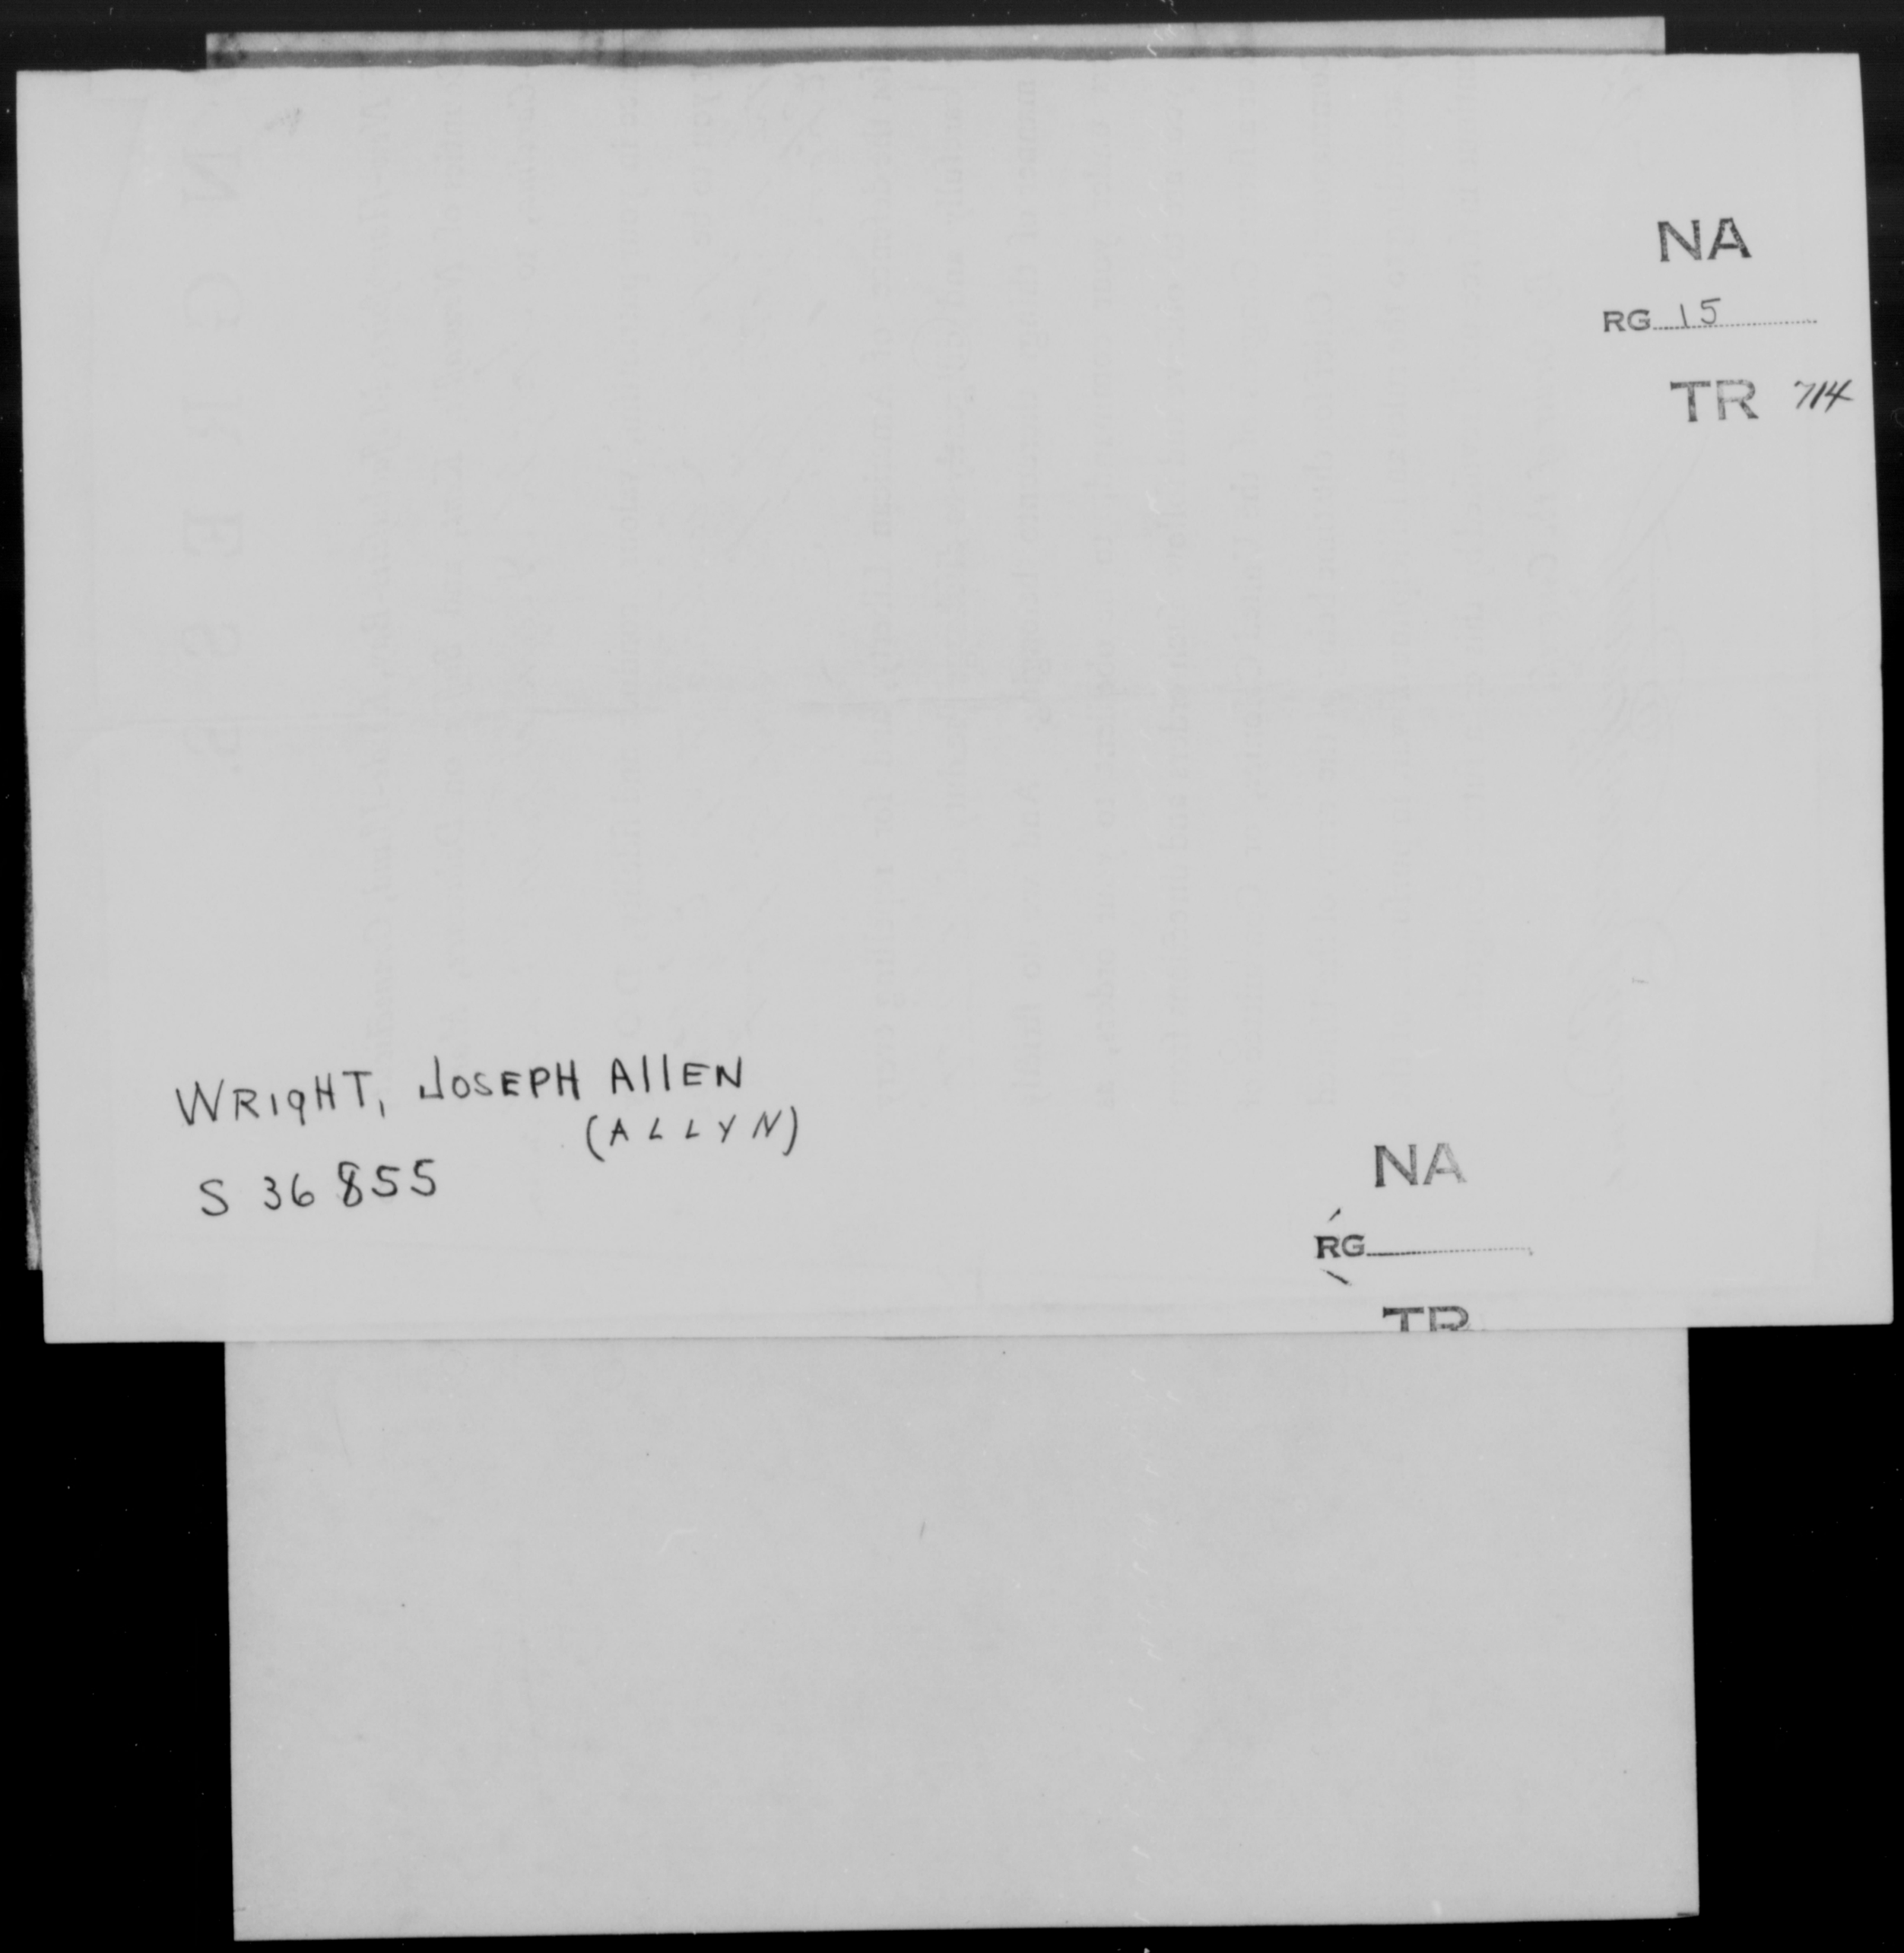NA 
RG  15
TR 714


Wright, Joseph Allen
                         (Allyn)
S 36855

NA
RG________
TR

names: Allyn, Joseph Allen Wright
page: 13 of 13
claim: survivor's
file: S. 36855, Joseph Allyn Wright, Conn. Continental